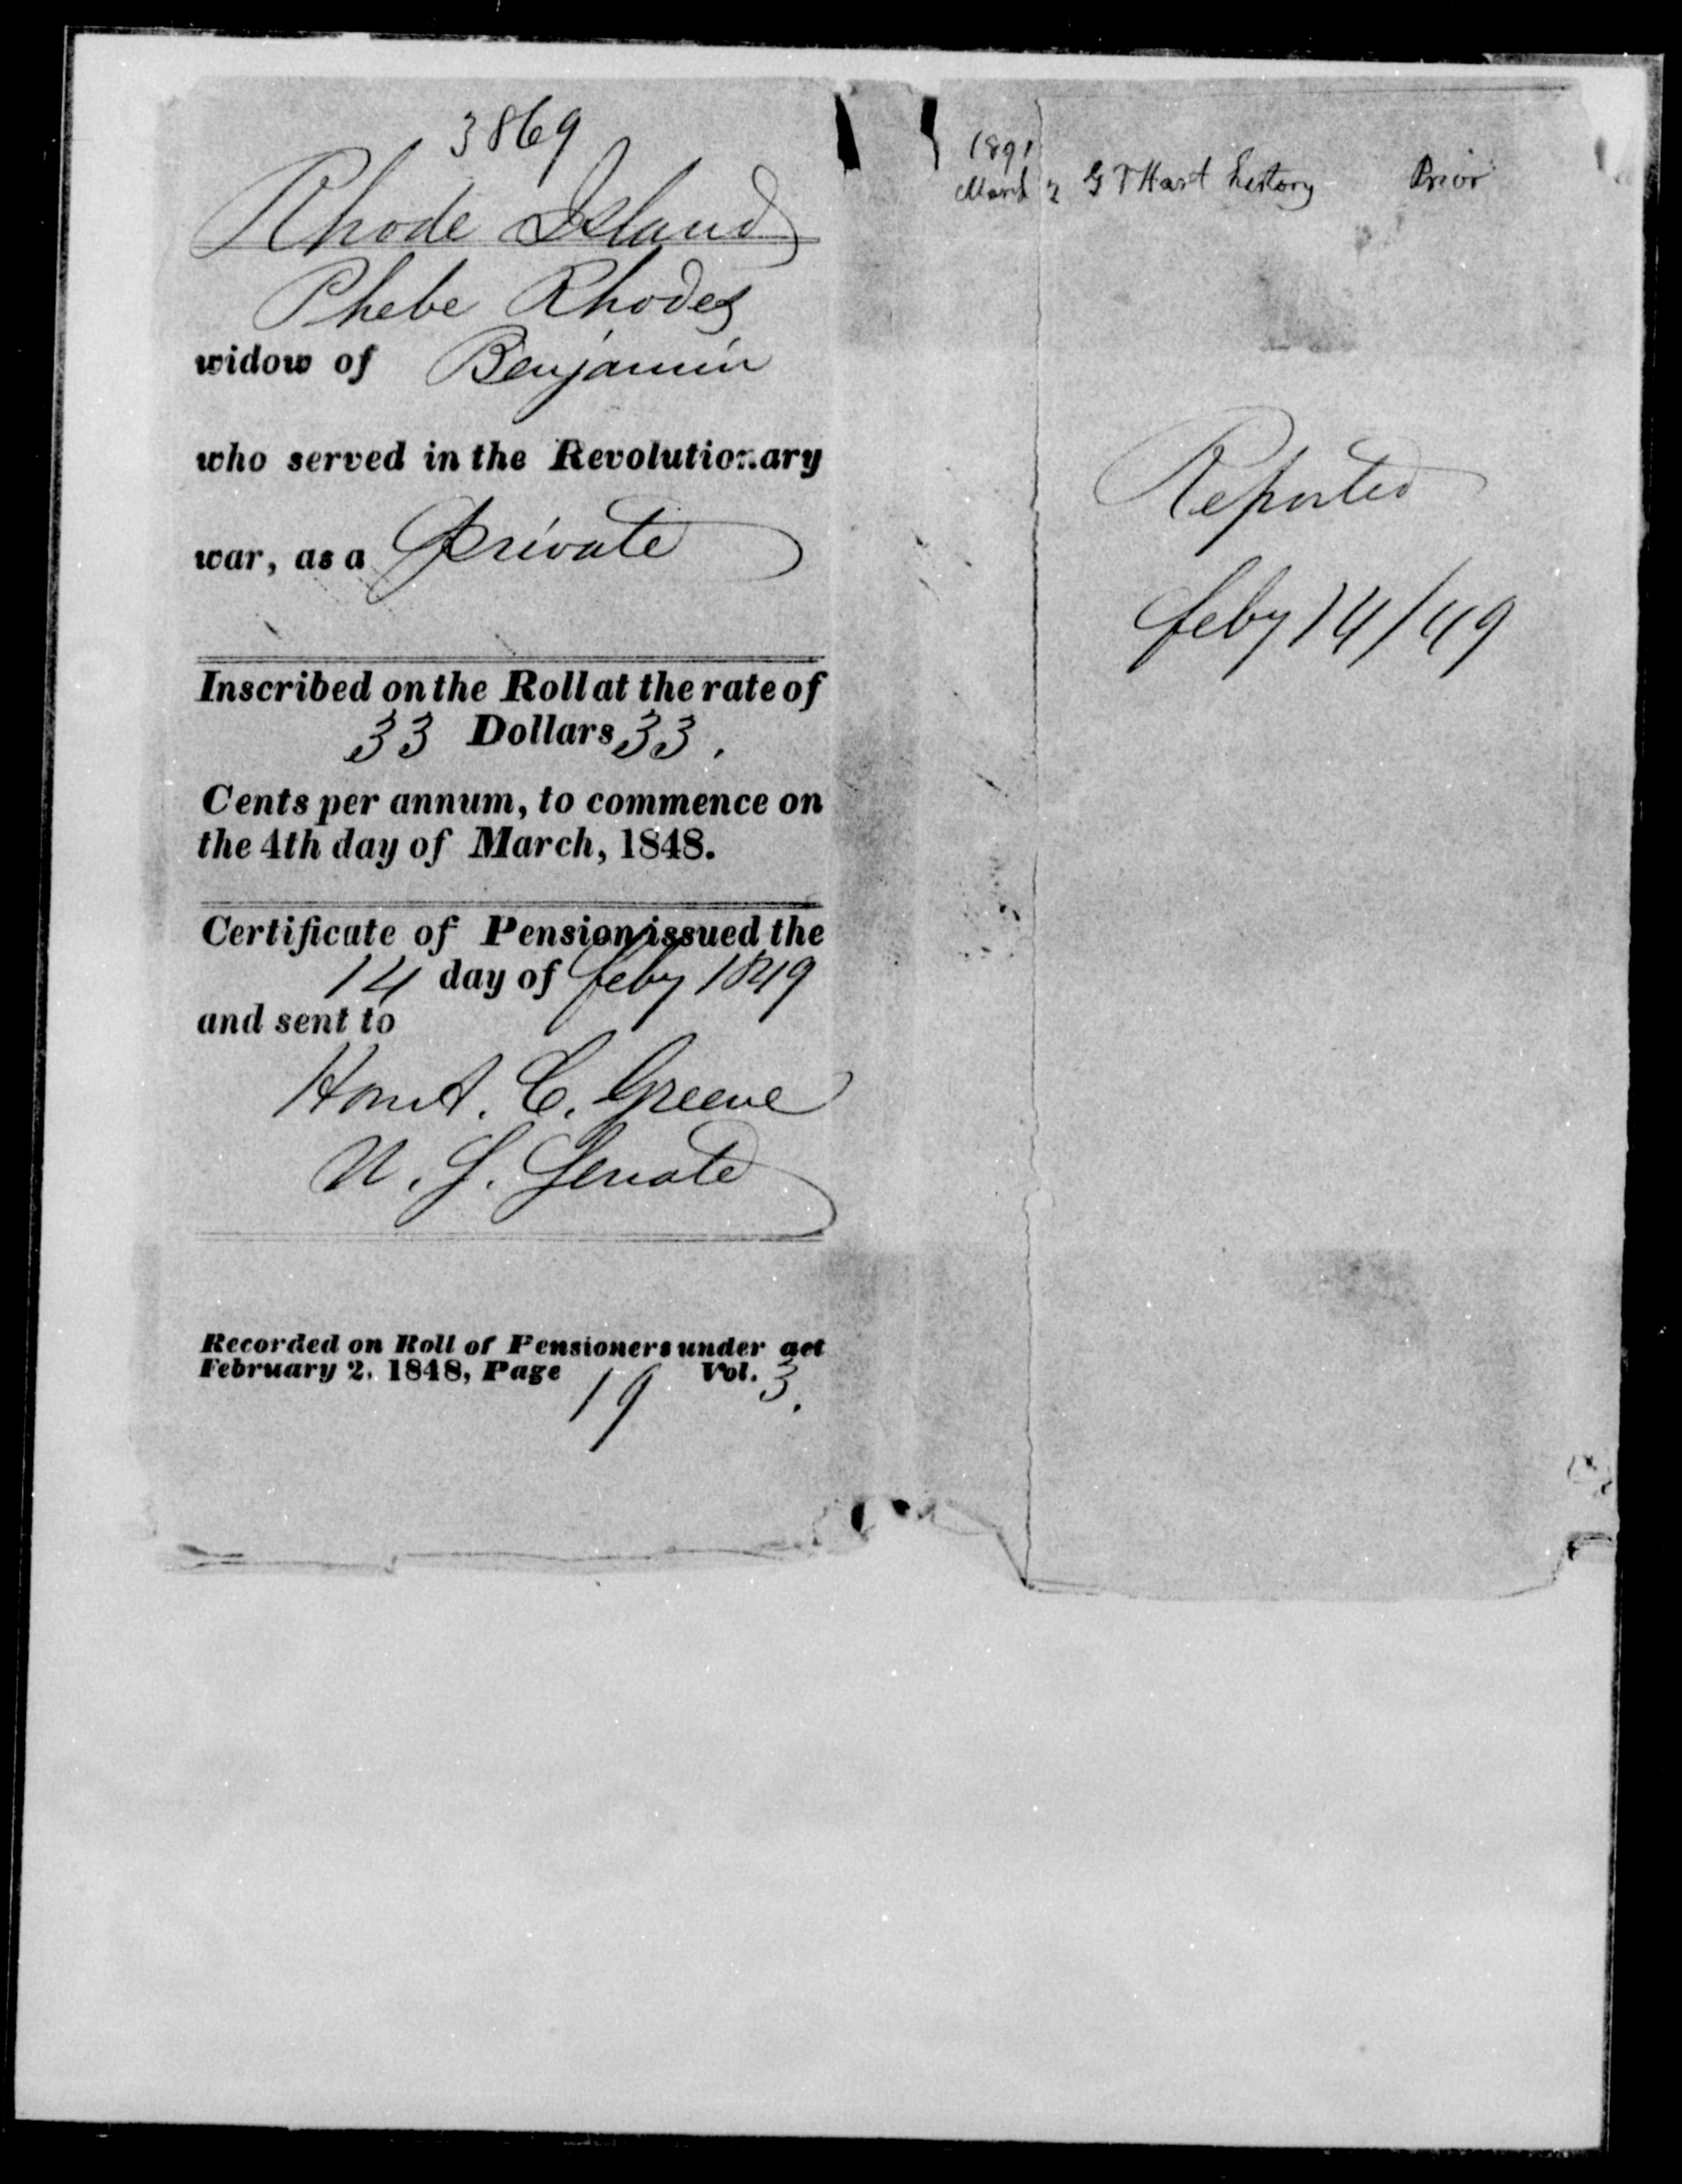3869
Rhode Island
Phebe Rhodes
widow of Benjamin 
who served in the Revolutionary
war, as a private
Inscribed on the Roll at the rate of 33 Dollars 33
Cents per annum, to commence on the 4th day of March, 1848.
Certificate of Pension issued the
14 day of feby 1849
and sent to 
Hon A. C. Greene
N. S. Senate
Recorded on Roll of Pensioners under act
February 2, 1848, Page 19 Vol 3.
Reported
feby 14/49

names: N J Jerrald; Phebe Rhodes; Benjamin Rhodes; A C Greene; G T Hart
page: 3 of 50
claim: widow's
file: W. 22058, for Benjamin Rhodes, Rhode Island